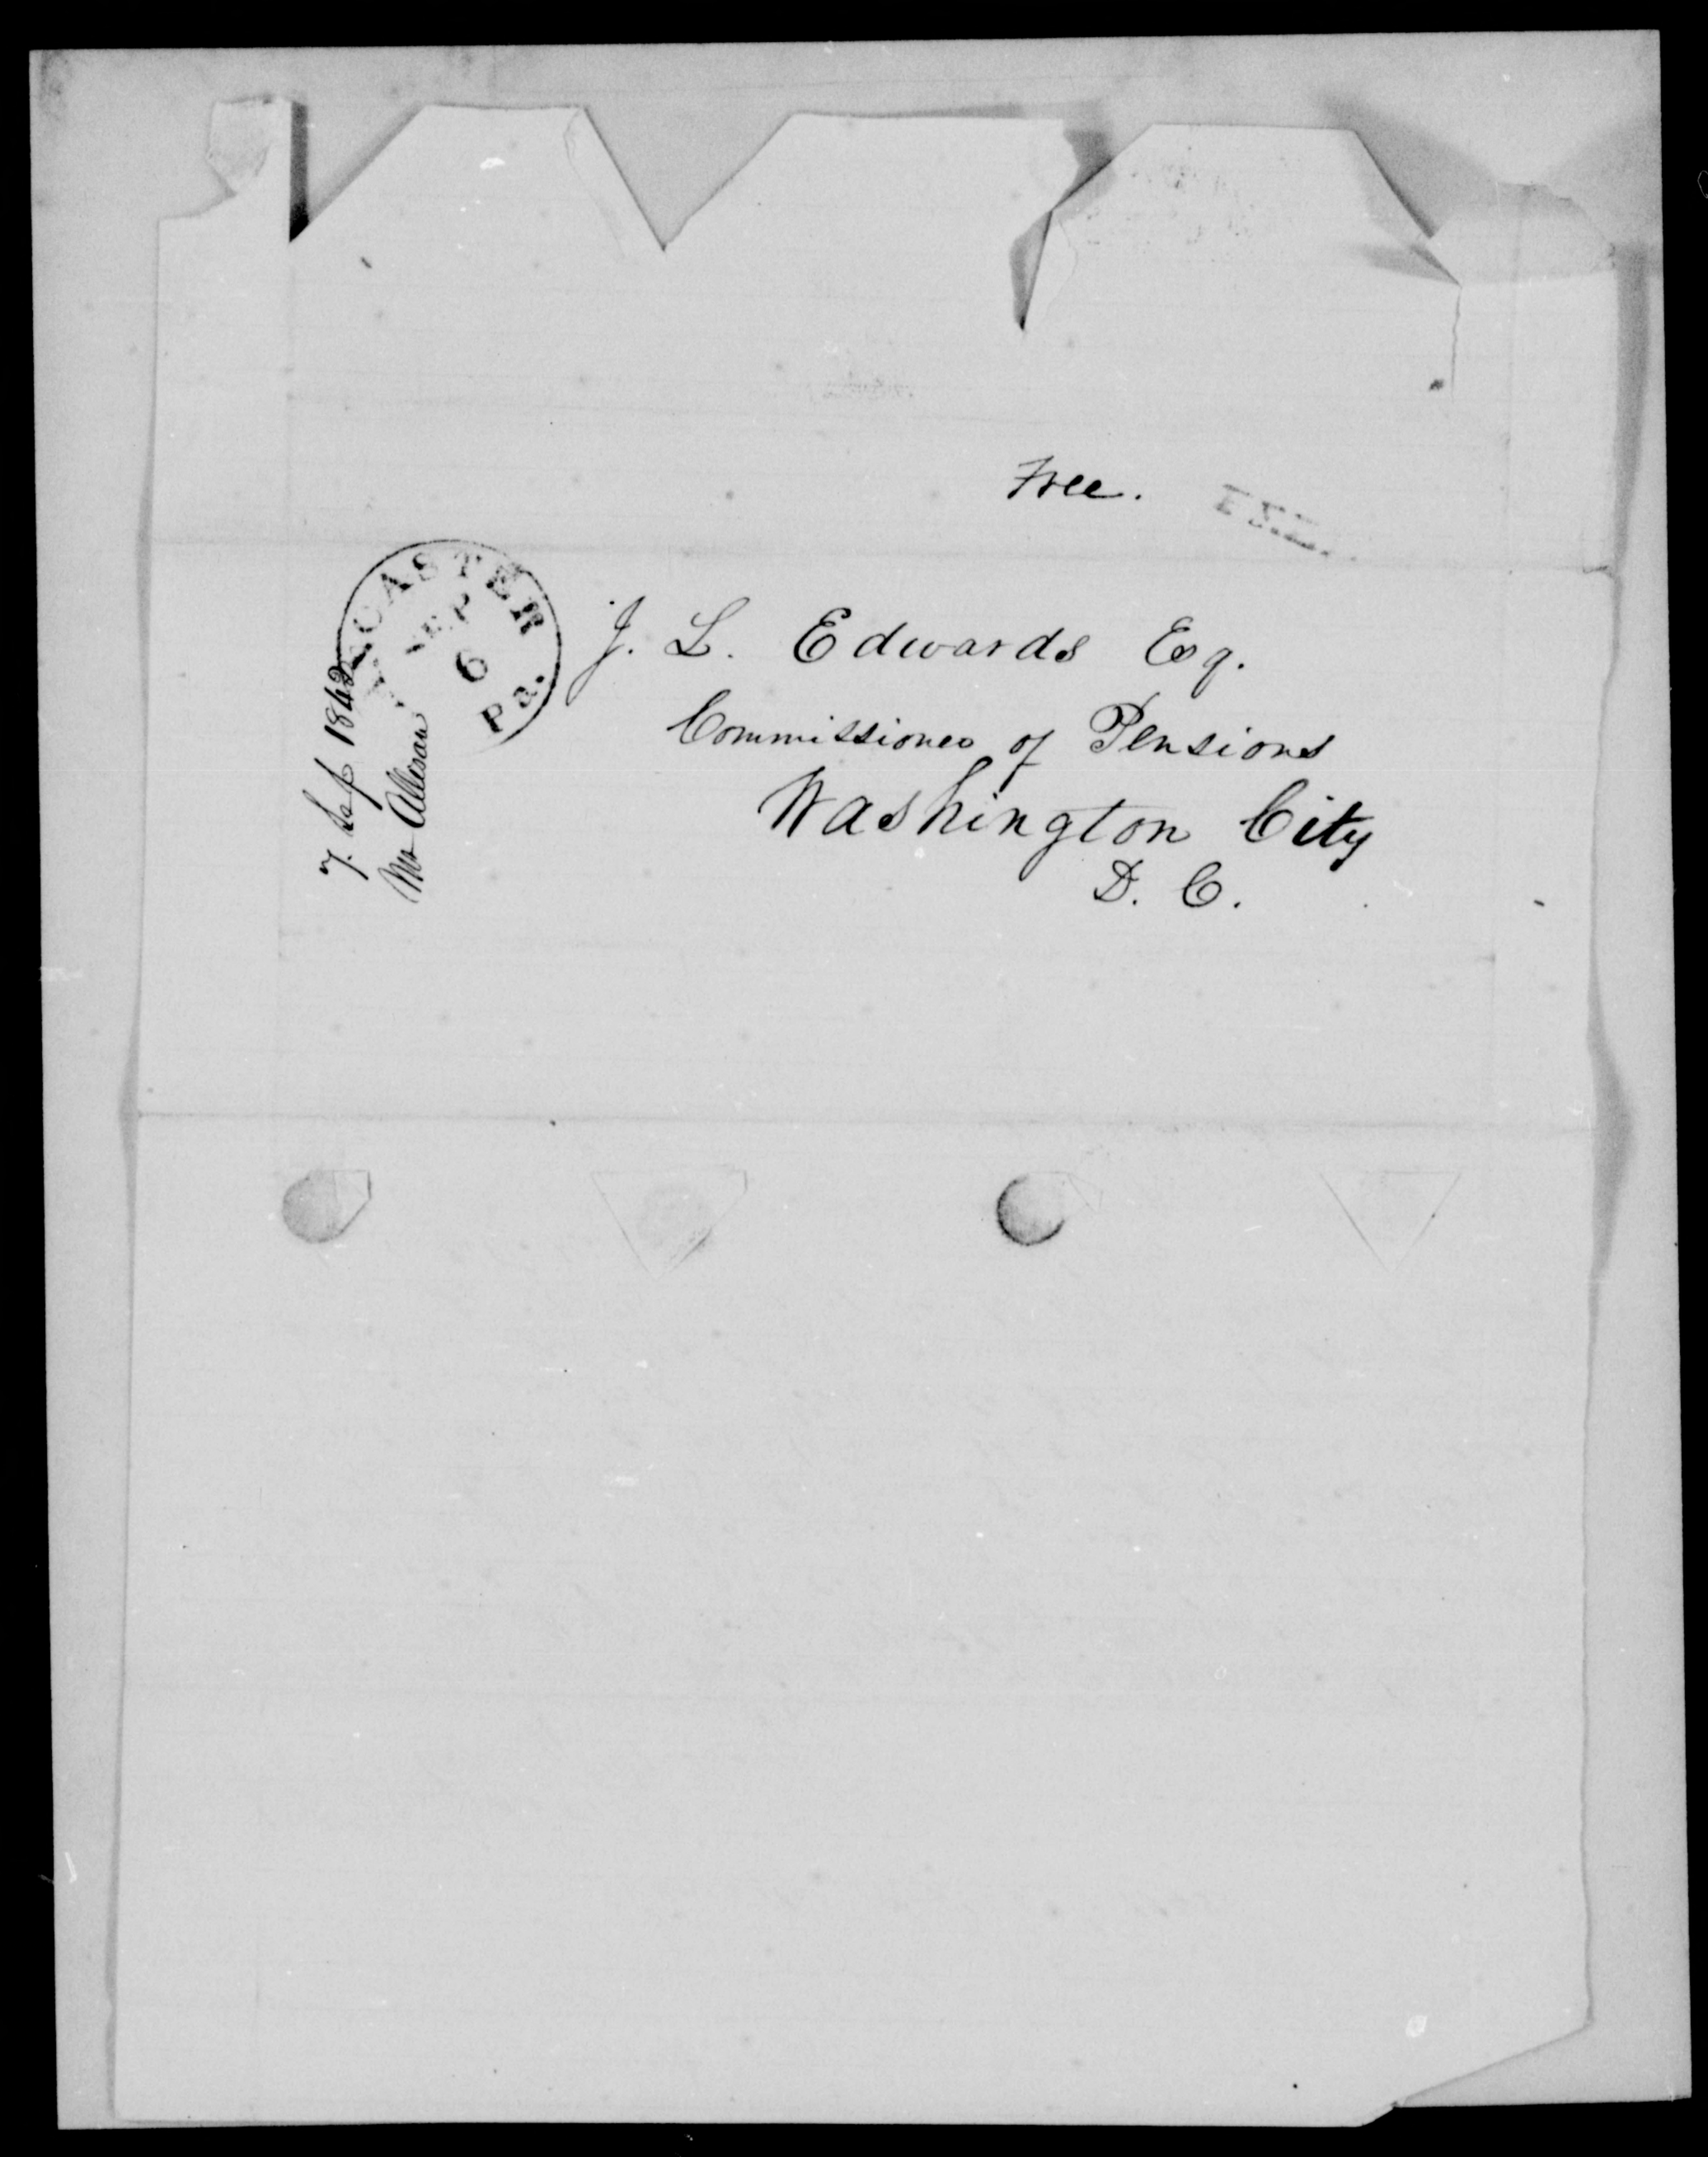[circle stamp]
LANCASTER PA
SEP 6

7 Dep 1842
Mr Allison


Free.
L. Edwards Esq.
Commissioner of Pensions
Washington City
D. C.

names: J L Edwards, Allison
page: 63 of 68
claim: survivor's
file: S. 6,358, George Wentling, Penn.